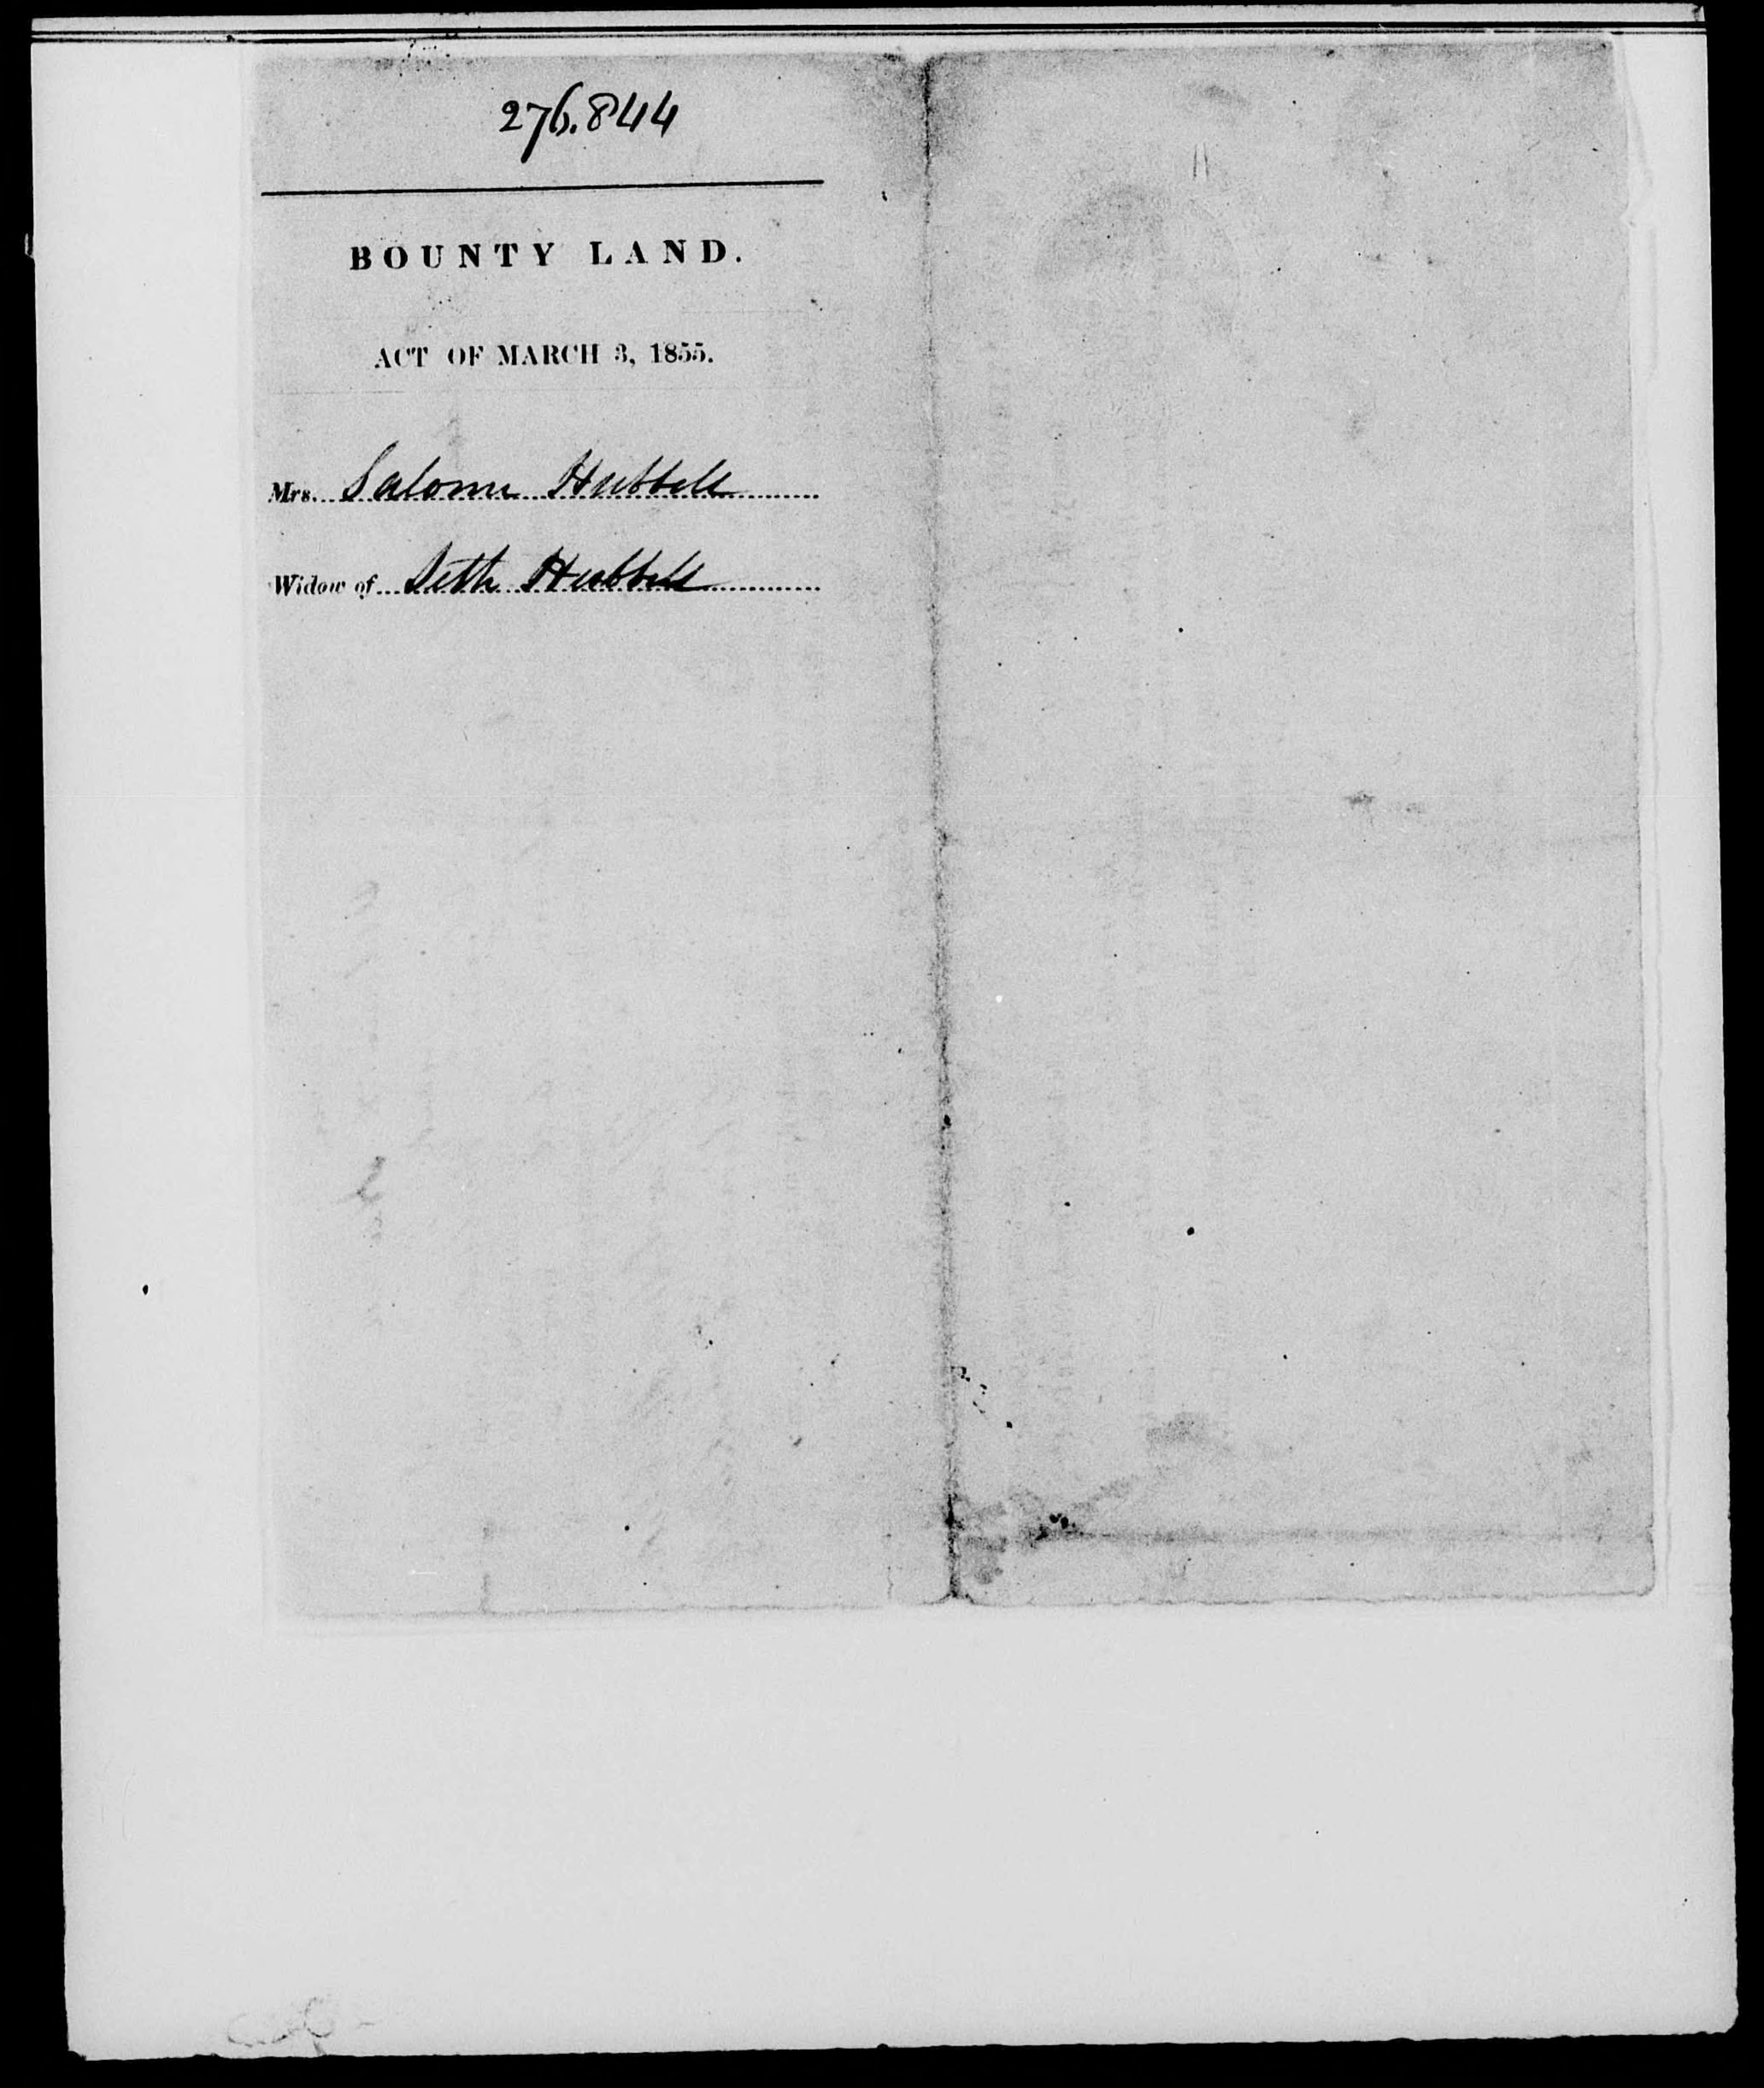276.844
BOUNTY LAND
ACT OF MARCH 3, 1855
Mrs. Salome Hubbell
Widow of Seth Hubbell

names: Seth Hubbell, Salome Hubbell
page: 5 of 114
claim: widow's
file: W. 2115, Seth Hubbell, Conn.